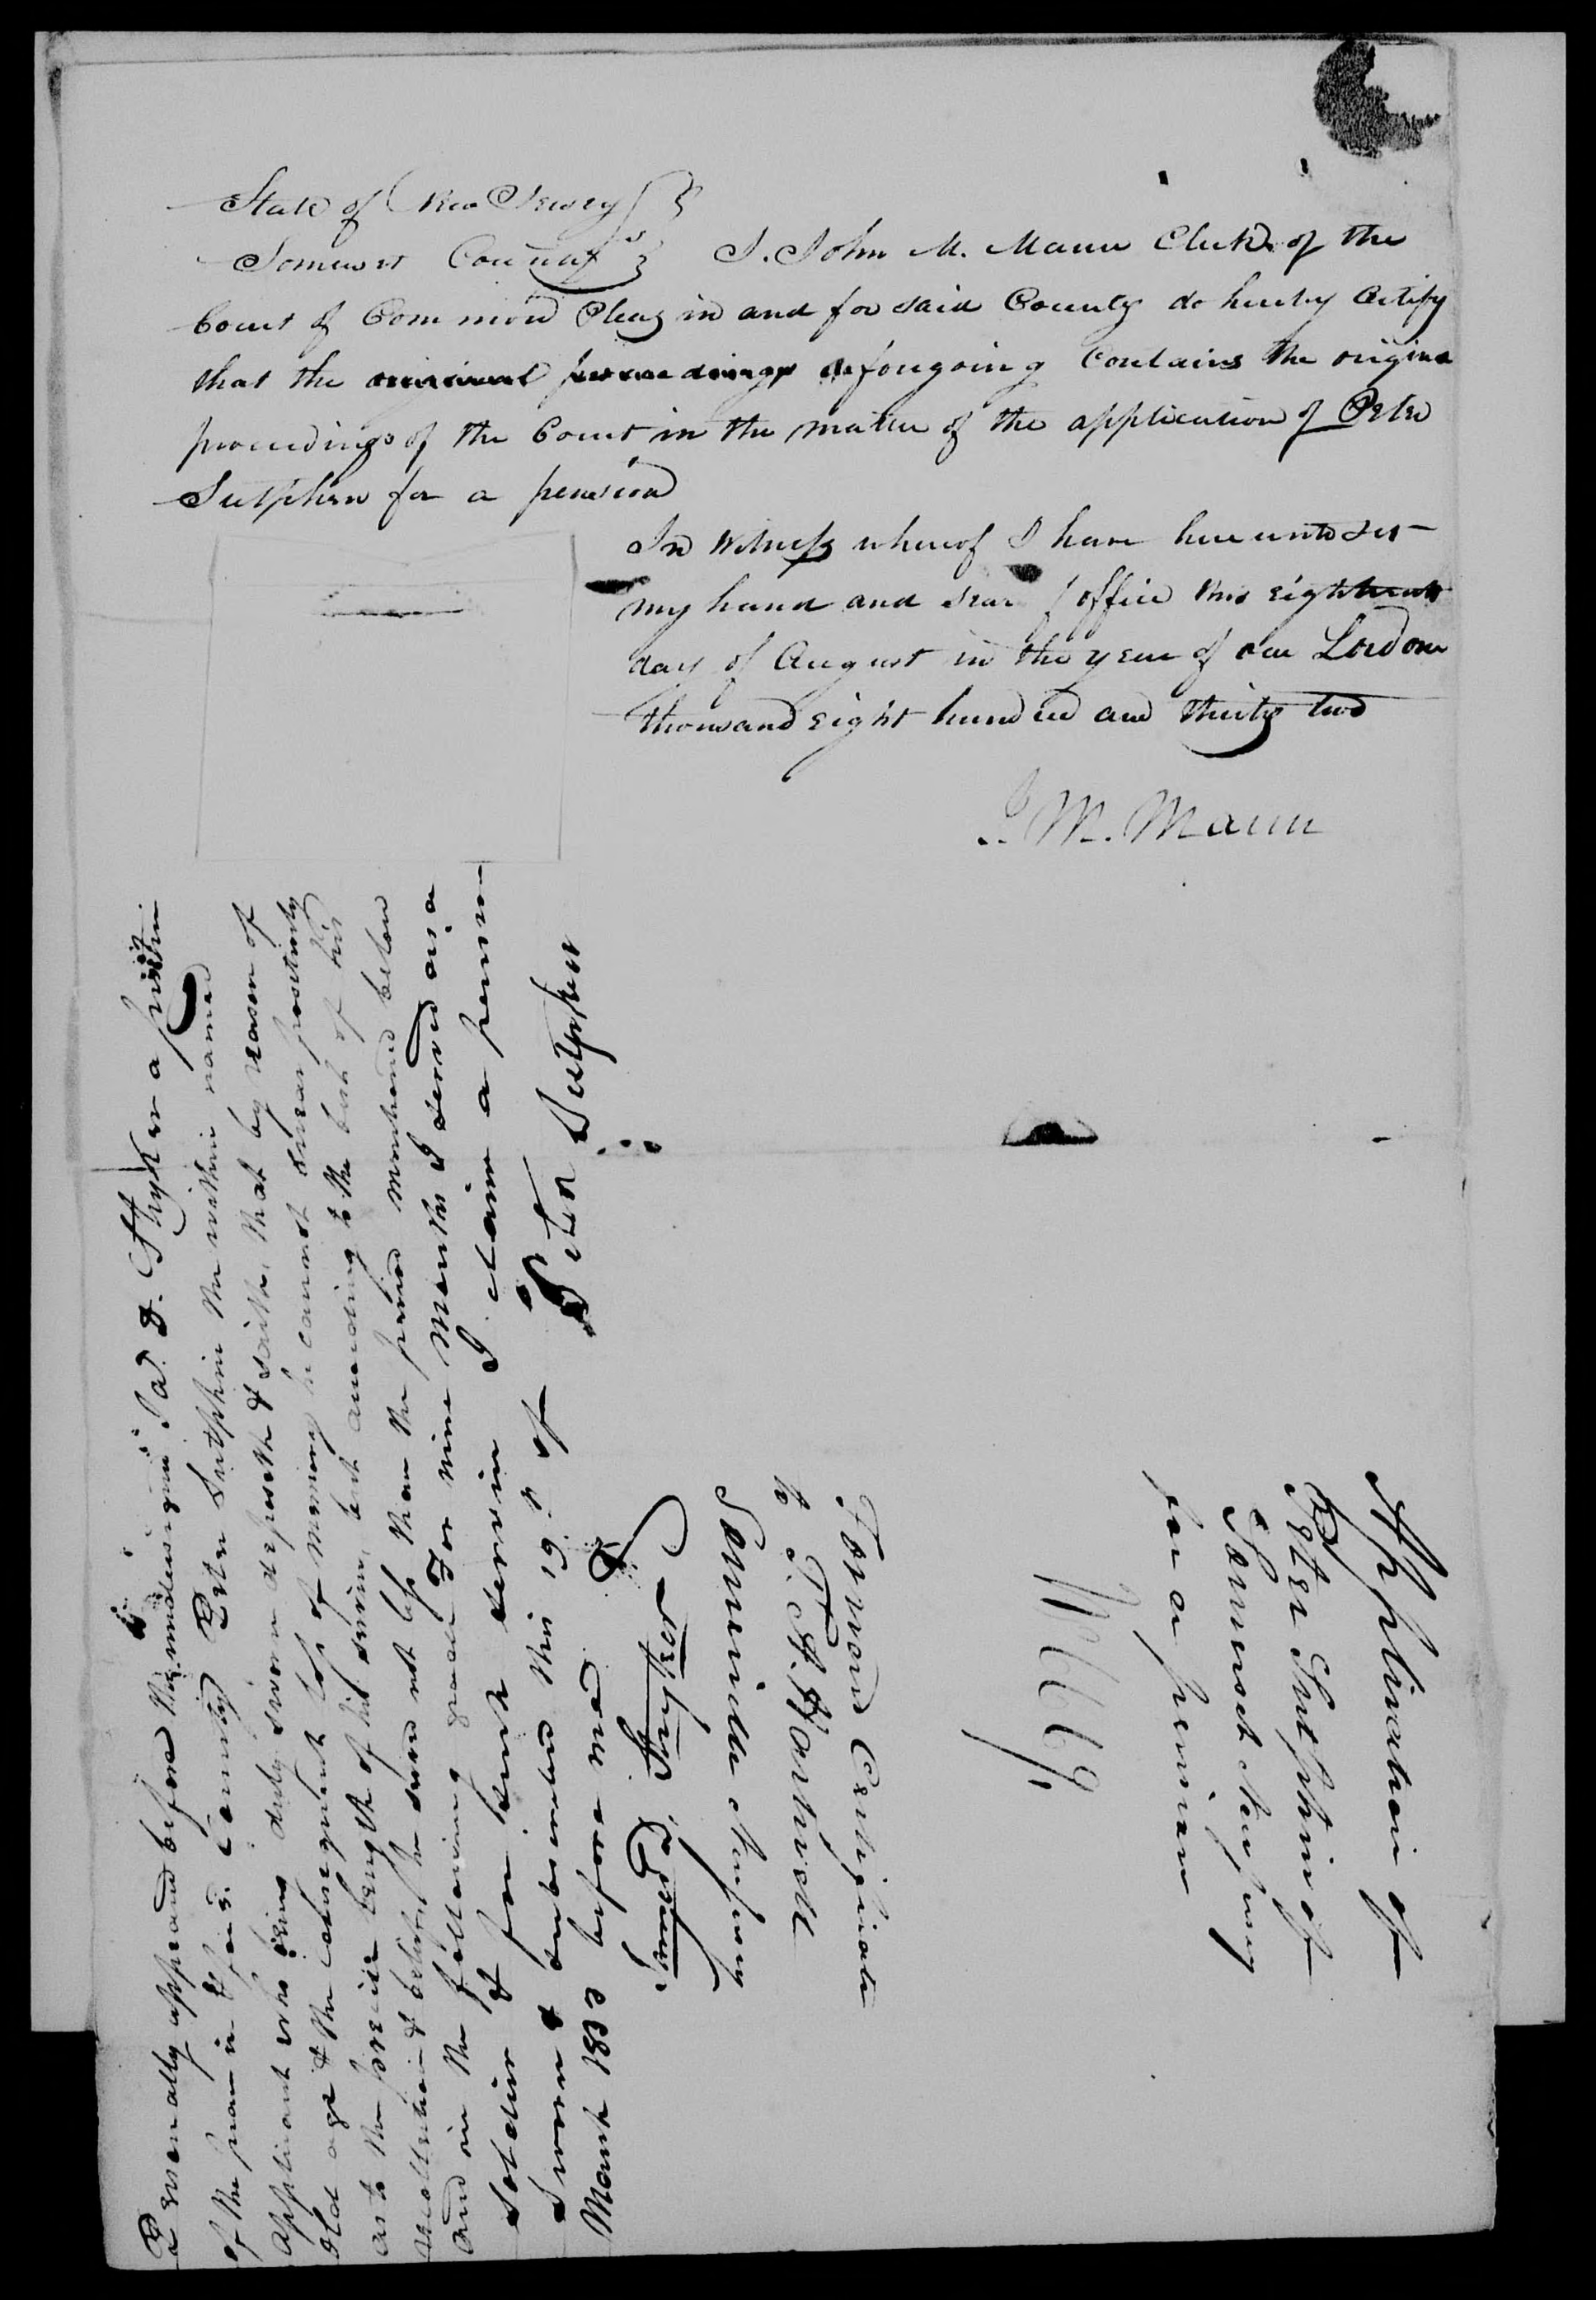State of New Jersey
Somerset County//

I, John M. Mann, Clerk of the Court of Common Pleas in and for said County do hereby certify that the [crossed out: original proceedings] as foregoing contains the original proceedings of the Court in the matter of the application of Peter Sutphin for a pension.

In witness whereof I have hereunto set my hand and seal office this Eighteen day of August in the year of our Lord One Thousand Eight Hundred and Thirty two.
s/ J.W. Mann

Application of Peter Sutphin of Somerset, New Jersey for a pension. 
W6669
Forward certificate to T.A. Hasbrook, Somerset, New Jersey

Personally appeared before the undersigned Jurat D. Thyhar, a Justice of the Peace in aforesaid County, Peter Sutphin, the within named  applicant, who being duly sworn deposeth & saith that by reason of old age and the consequent loss of memory he cannot swear positively as to the precise length of his service, but according to the best of his recollection & belief he served not less than the period mentioned below and in the following grades. For nine months I served as a soldier & for said services I claim a pension.
s/ Peter Sutphin

Sworn & subscribed this Nineteenth of March 1833 before me.
s/ James D. Stryker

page: 6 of 14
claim: survivor's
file: S. 1119, for Peter Sutphen, New Jersey